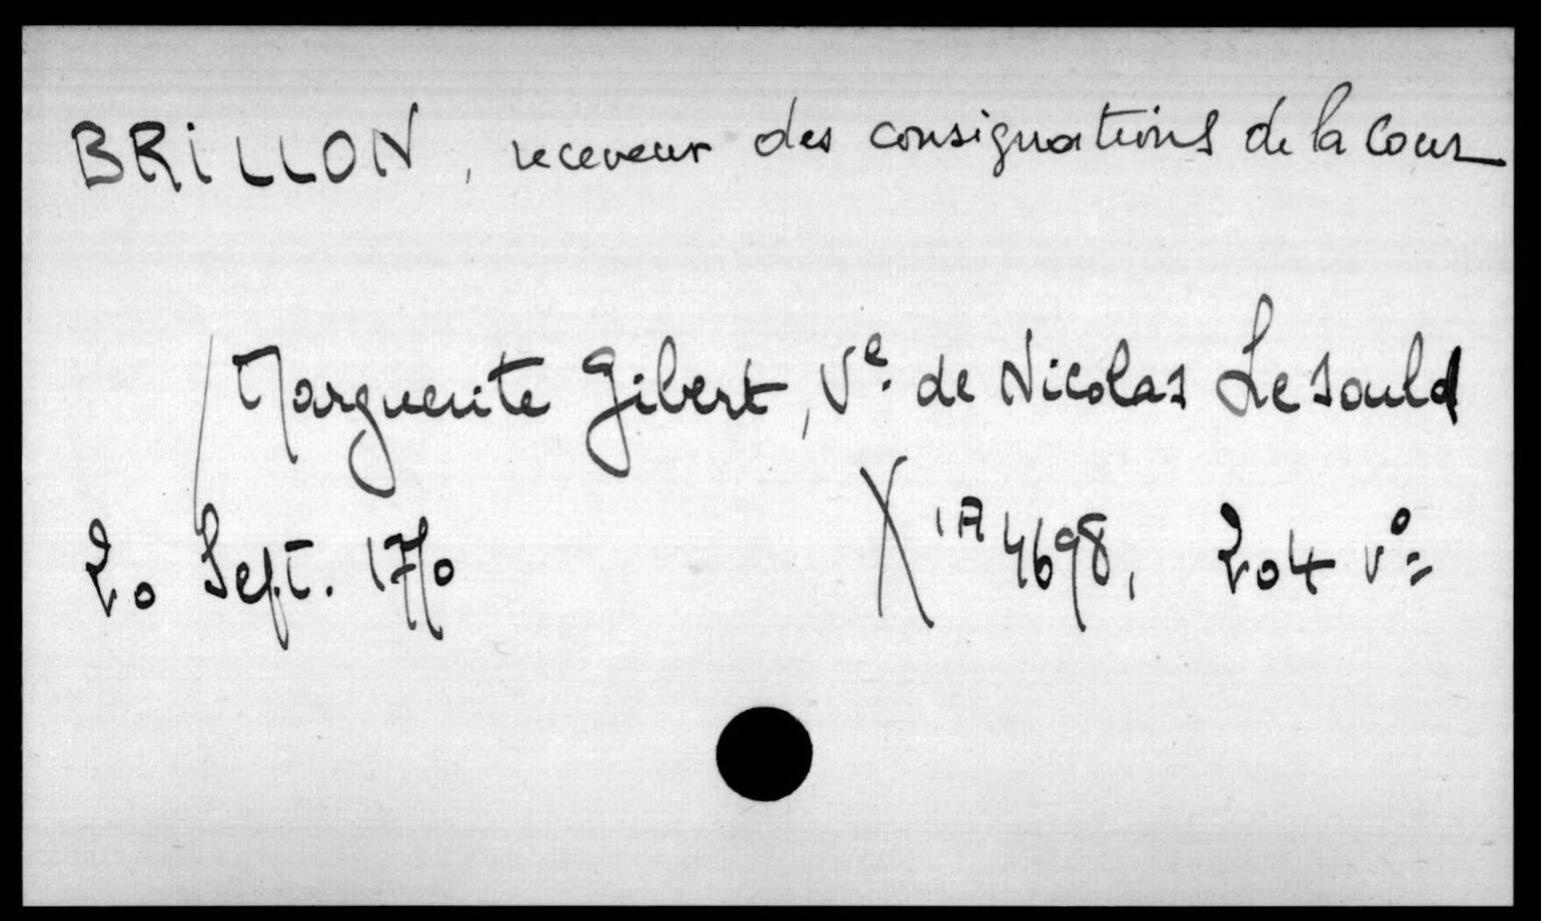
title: BRILLON, receveur des consignations de la cour
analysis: Contre Marguerite Gibert, veuve de Nicolas Le Sould
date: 20 septembre 1770
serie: X1A
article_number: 4698
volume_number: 204v
